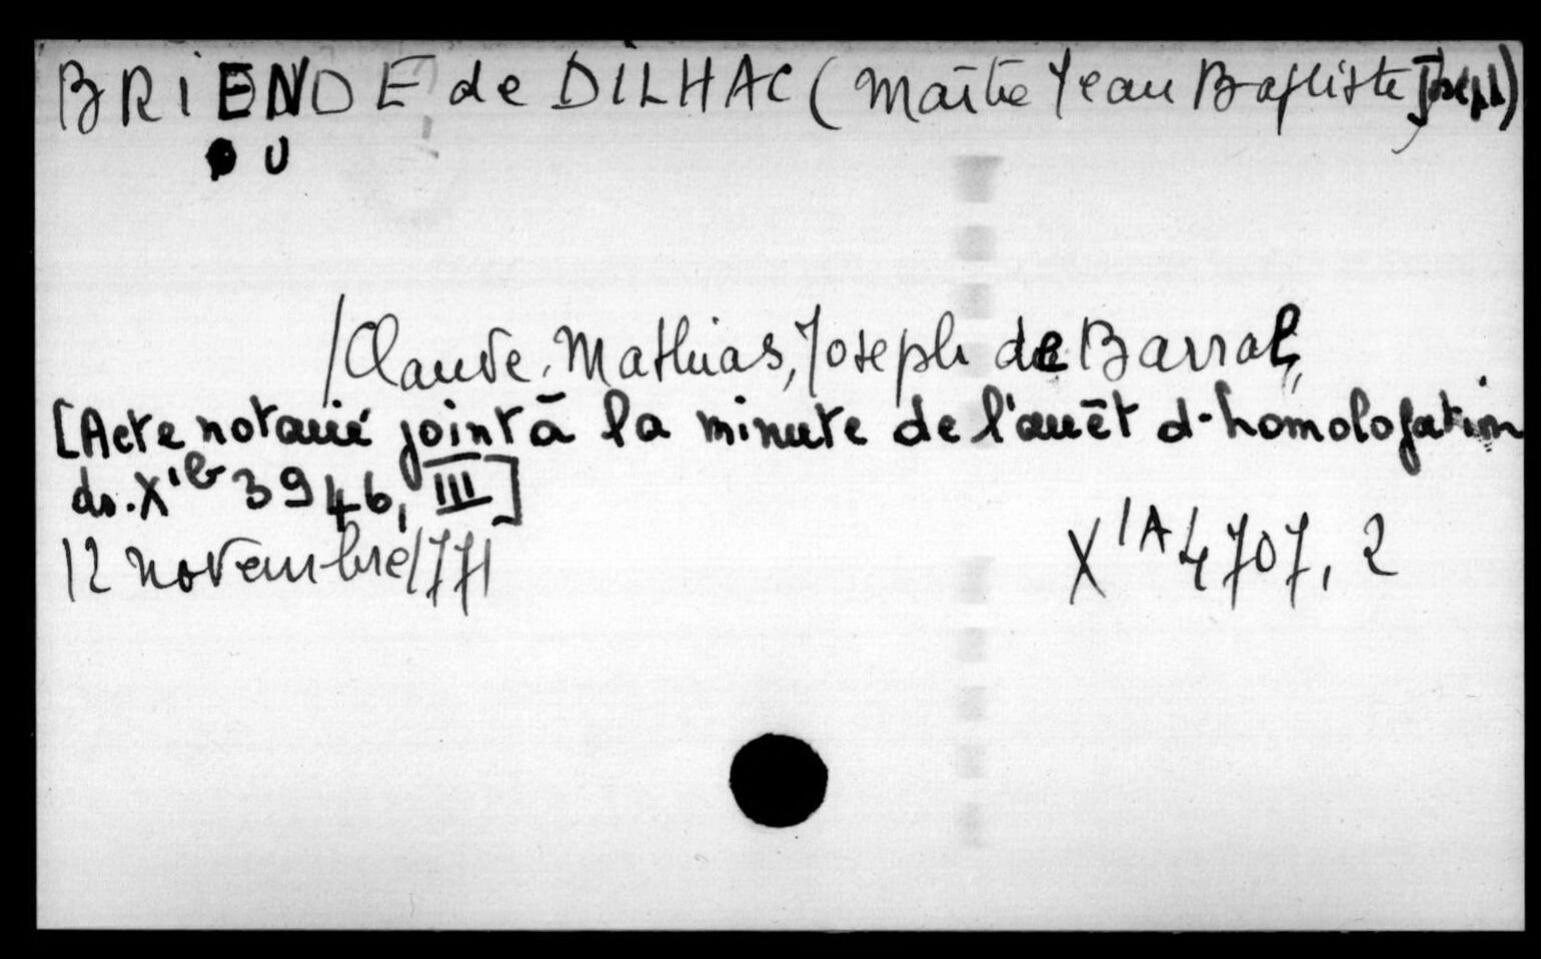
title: BRIENDE de DILHAC (Maître Jean Baptiste Joseph)
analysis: Contre Claude-Mathias, Joseph de Barral, [Acte notarié joint à la minute de l'arrêt d'homologation de X1b 3946, III]
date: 12 novembre 1771
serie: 11A
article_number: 4707
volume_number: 2
